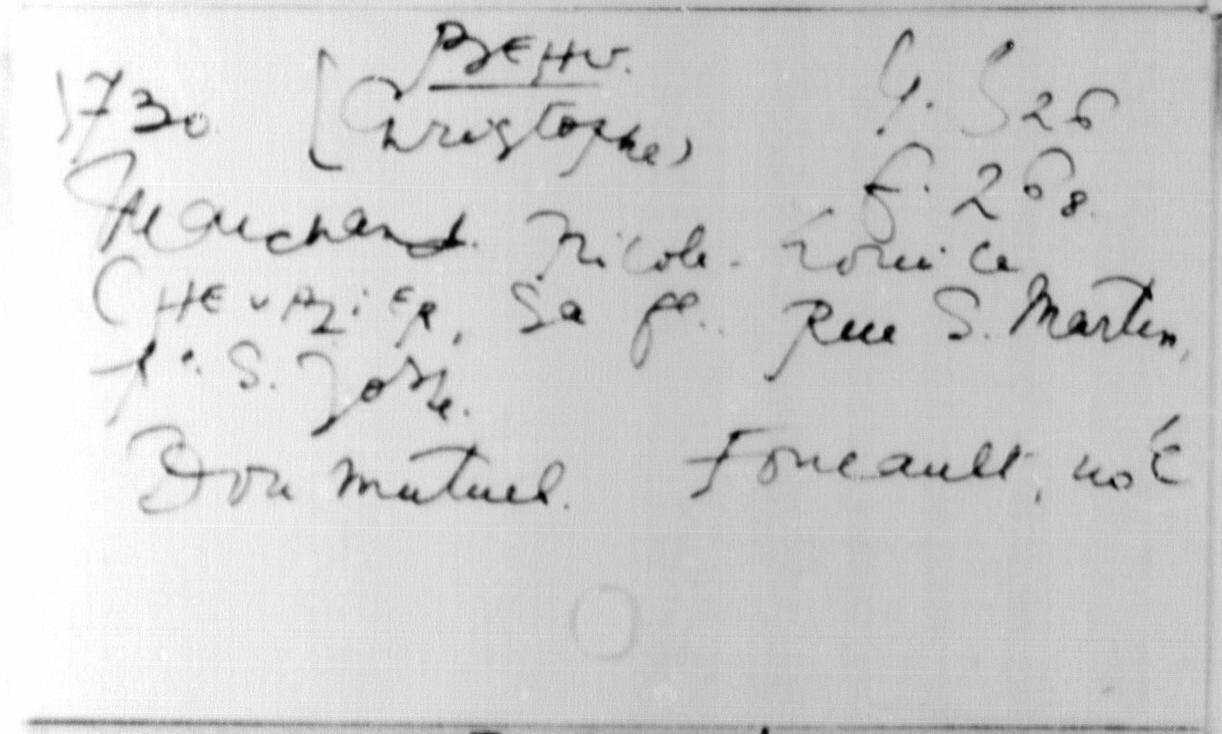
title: BEHU (Christophe)
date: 1730
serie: Y
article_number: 326
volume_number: fol. 268
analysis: Marchand Nicole Louise, sa femme. CHEVALIER. Rue Saint-Martin, paroisse Saint-Josse. Don mutuel. Foucault, notaire.
